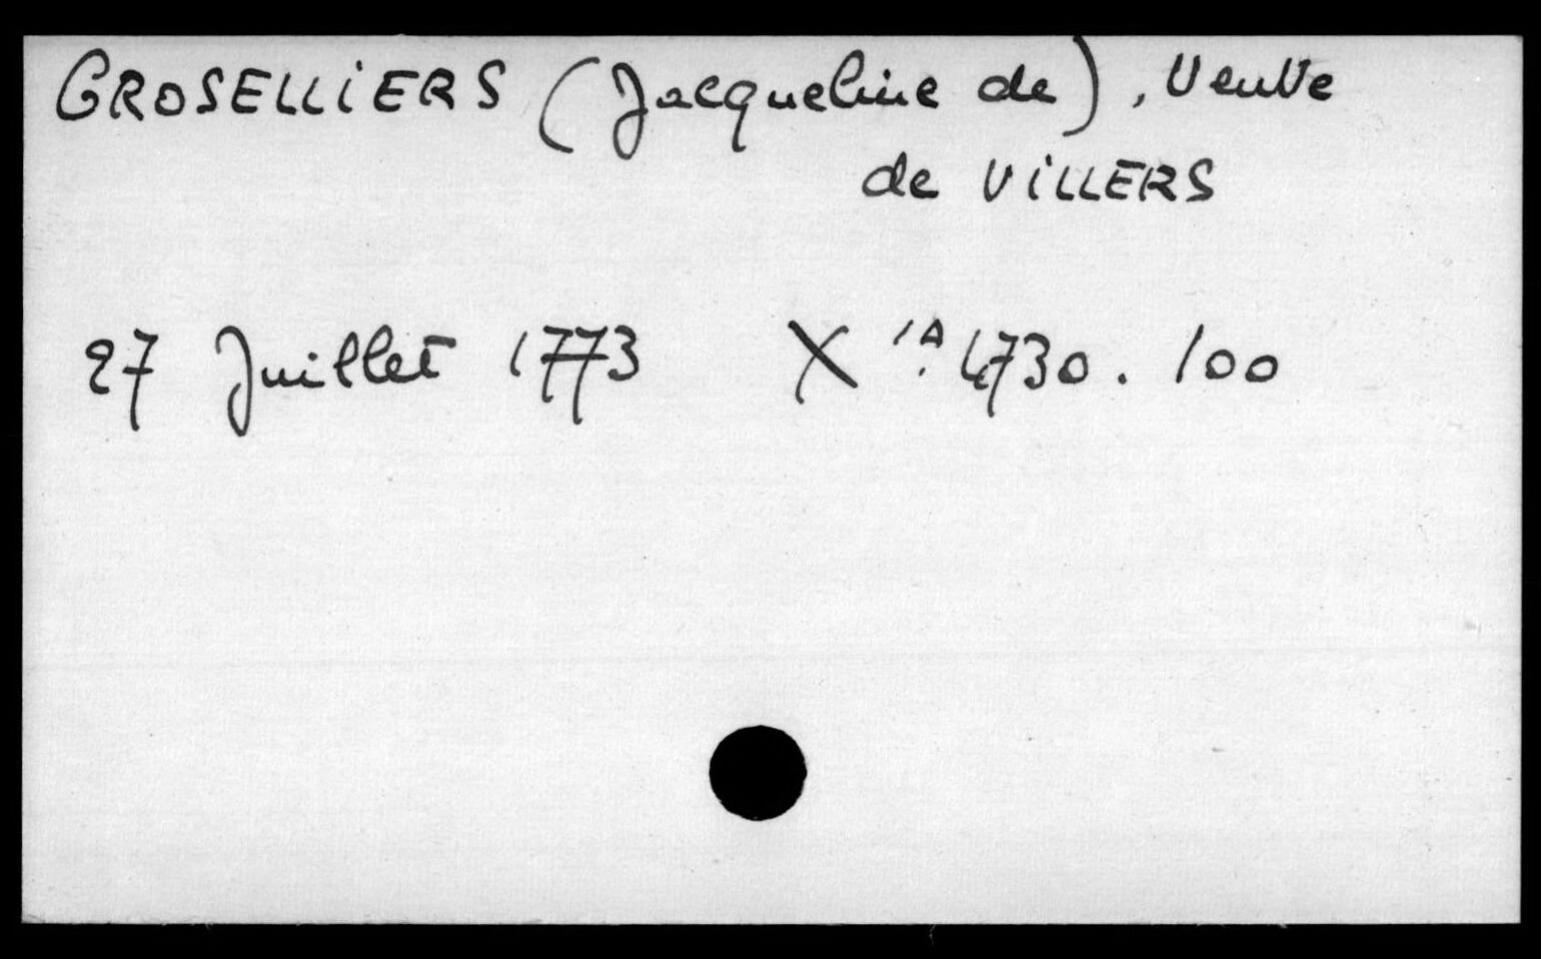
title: GROSELLIERS (Jacqueline de), Veuve de VILLERS
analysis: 27 juillet 1773
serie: X1A
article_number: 4730
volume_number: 100
